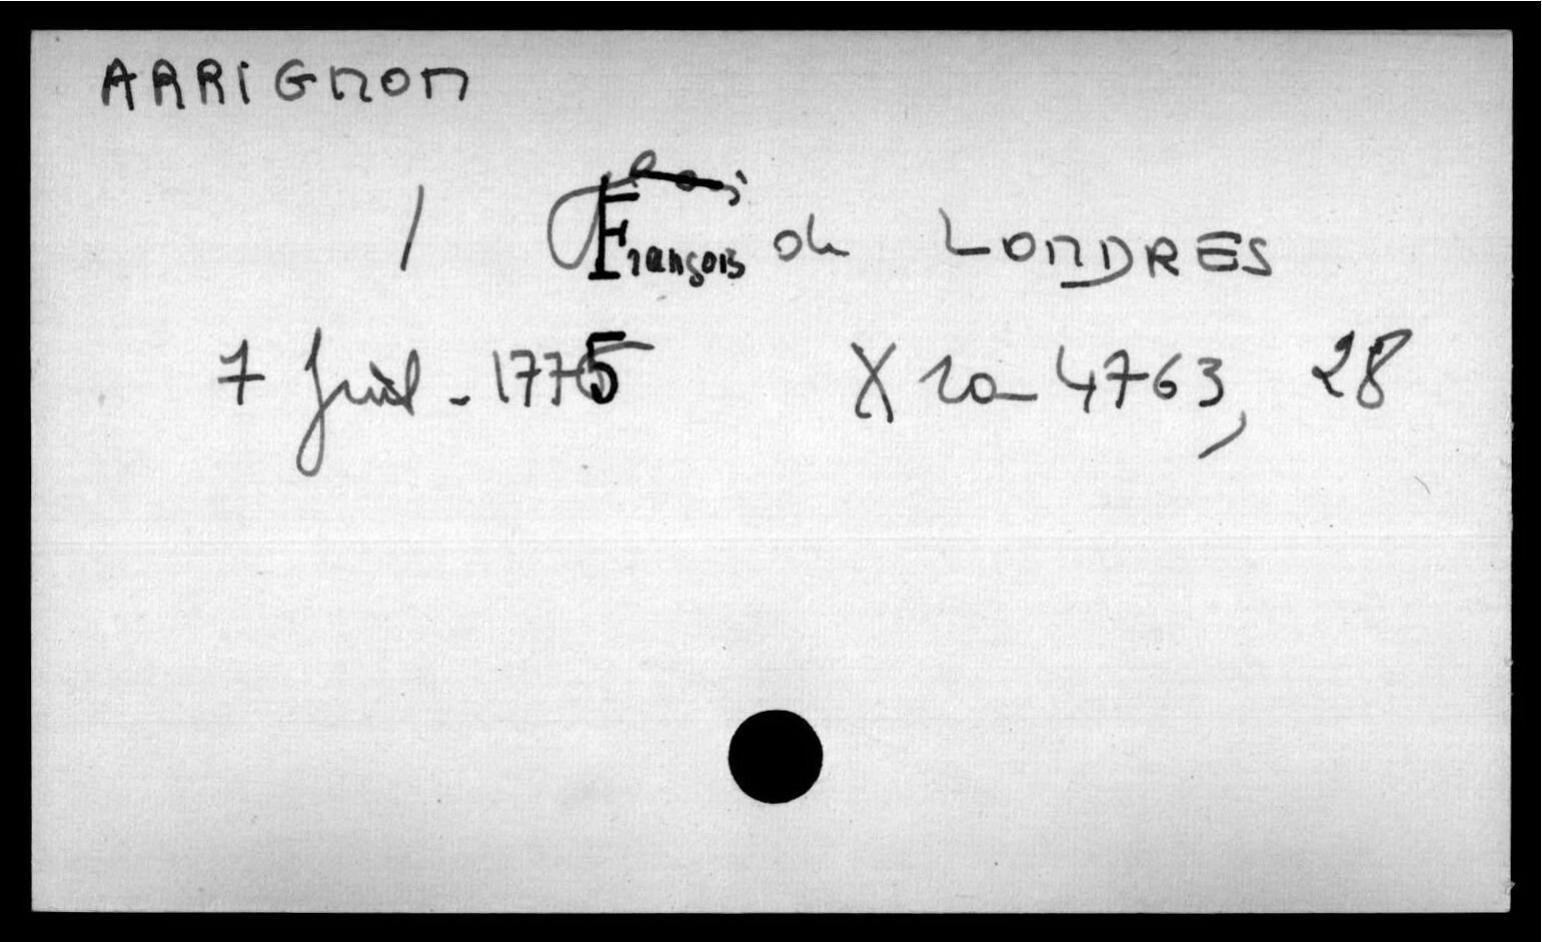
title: ARRIGNOM
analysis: Contre François de LONDRES
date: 7 juillet 1775
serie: X1a
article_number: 4763
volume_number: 28
